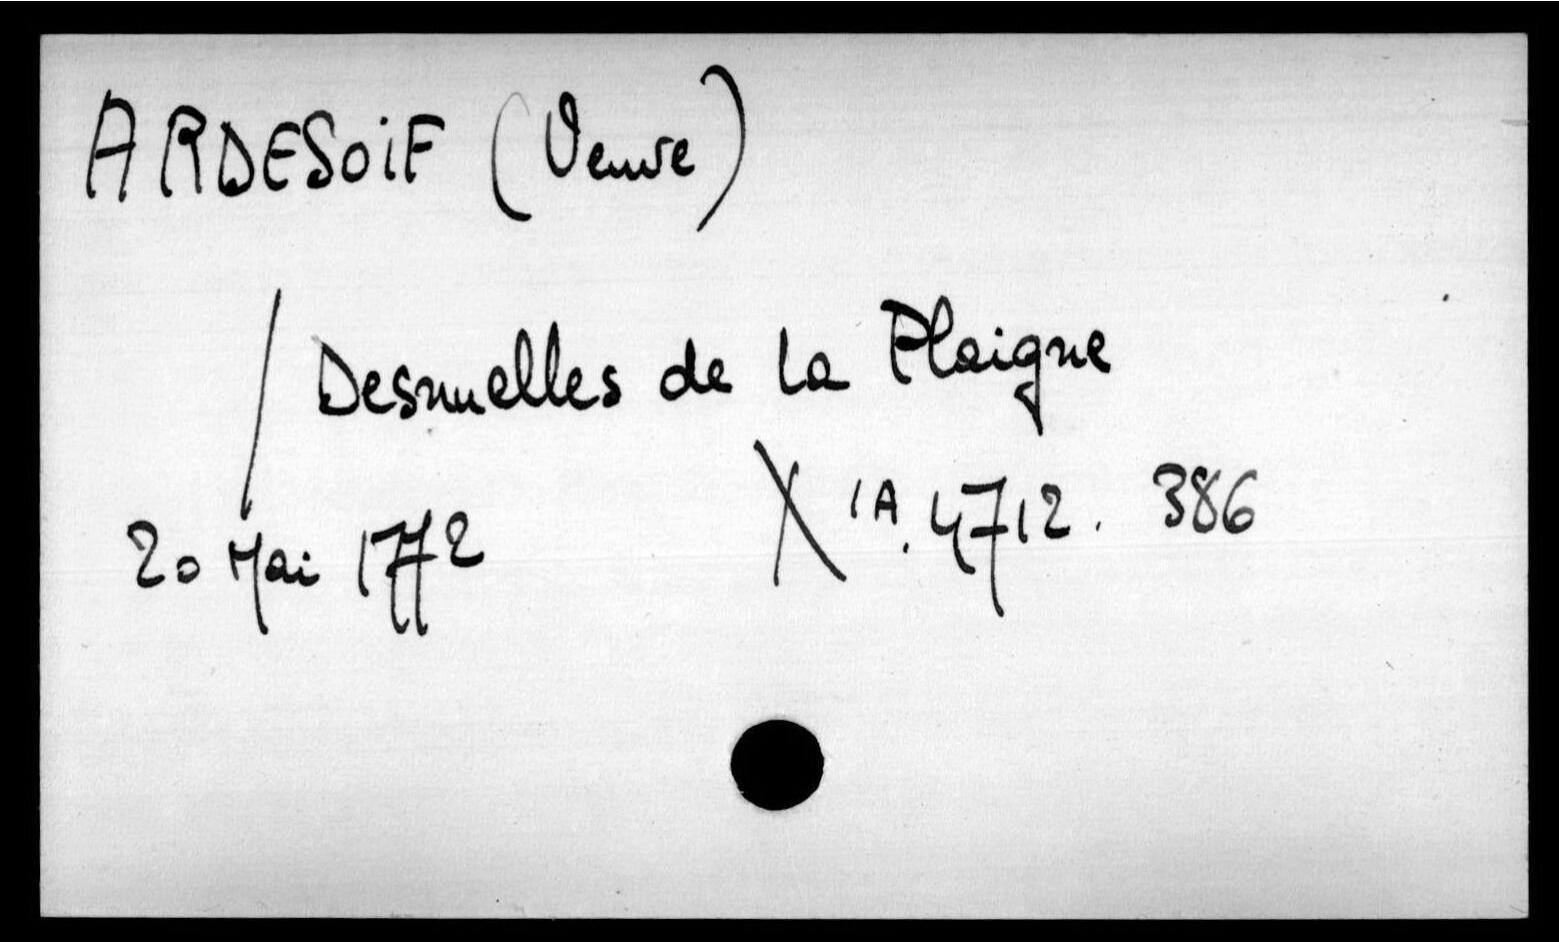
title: ARDESOIF (Veuve)
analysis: Contre Desruelles de la Plaigne
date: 20 mai 1772
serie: X1A
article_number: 4712
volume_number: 386
